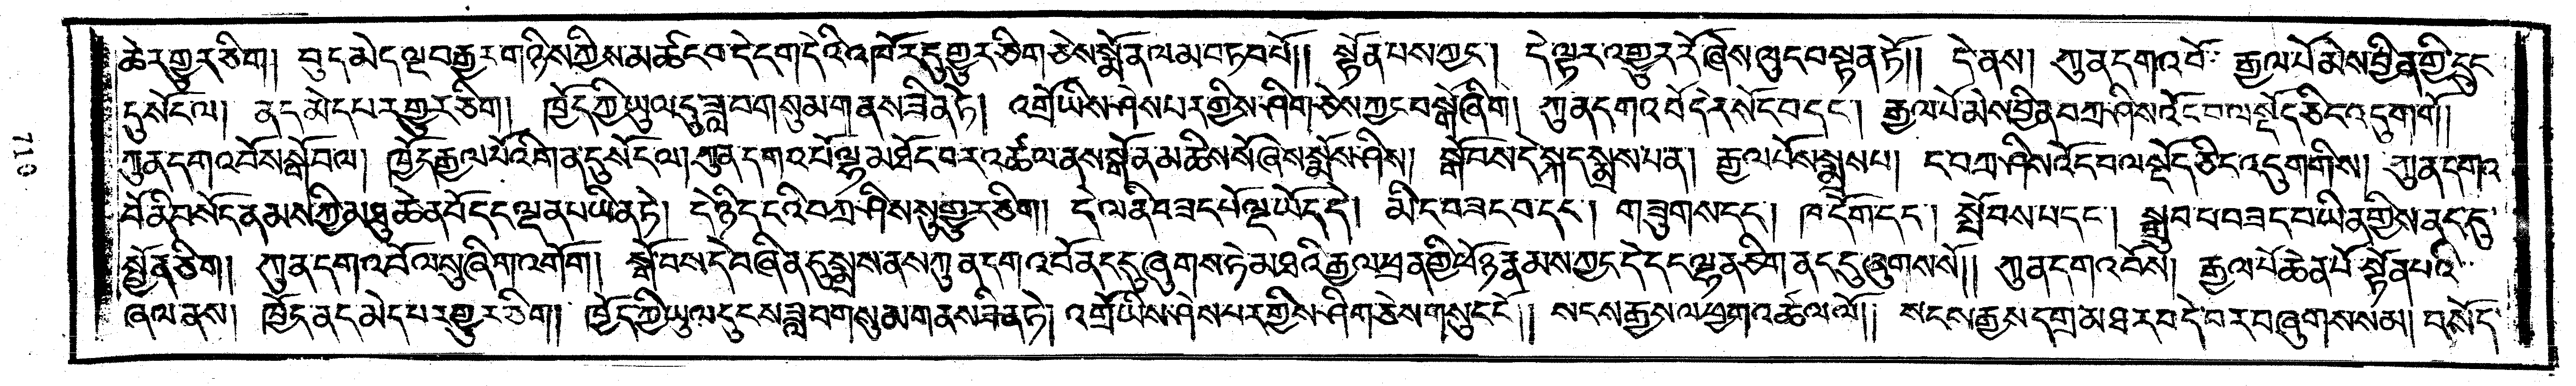ཆེར་གྱུར་ཅིག། བུད་མེད་ལྔ་བརྒྱར་གཉིས་ཀྱིས་མ་ཚང་བ་དེ་དག་དེའི་འཁོར་དུ་གྱུར་ཅིག་ཅེས་སྨོན་ལམ་བཏབ་བོ།། སྟོན་པས་ཀྱང་། དེ་ལྟར་འགྱུར་རོ་ཞེས་ལུང་བསྟན་ཏོ།། དེ་ནས། ཀུན་དགའ་བོ་རྒྱལ་པོ་མེས་བྱིང་ཡི་དྲུང་
དུ་སོང་ལ། ནད་མེད་པར་གྱུར་ཅིག། ཁྱོད་ཀྱི་ཡུལ་དུ་ཟླ་བ་གསུམ་གནས་ཟིན་ཏེ། འགྲོ་ཡིས་ཤེས་པར་གྱིས་ཤིག་ཅེས་ཀྱང་བསྒོ་ཞིག། ཀུན་དགའ་བོ་དེར་སོང་བ་དང་། རྒྱལ་པོ་མེས་བྱིན་བཀྲ་ཤིས་འོང་བ་ལ་སྡོད་ཅིང་འདུག་གོ།
ཀུན་དགའ་བོས་སྒོ་བ་ལ། ཁྱོད་རྒྱལ་པོའི་གན་དུ་སོང་ལ། ཀུན་དགའ་པོ་ལྷ་མཐོང་བར་འཚལ་ནས་སྒོ་ན་མཆིས་སོ་ཞེས་སྨོས་ཤིས། སྒོ་བས་དེ་སྐད་སྨྲས་པ་ན། རྒྱལ་པོས་སྨྲས་པ། ང་བཀྲ་ཤིས་འོང་བ་ལ་སྡོད་ཅིང་འདུག་གིས། ཀུན་དགའ་
བོ་ནི་བསོད་ནམས་ཀྱི་མཐུ་ཆེན་པོ་དང་ལྡན་པ་ཡིན་ཏེ། དེ་ཉིད་ངའི་བཀྲ་ཤིས་སུ་གྱུར་ཅིག། དེ་ལ་ནི་བཟང་པོ་ལྔ་ཡོད་དེ། མིང་བཟང་བ་དང་། གཟུགས་དང་། ཁ་དོག་དང་། སྤོབས་པ་དང་། སྒྲུབ་པ་བཟང་བ་ཡིན་གྱིས་ནང་དུ་
སྤྱོན་ཅིག། ཀུན་དགའ་བོ་ལ་སུ་ཞིག་འགོག། སྒོ་བས་དེ་བཞིན་དུ་སྨྲས་ནས་ཀུན་དགའ་བོ་ནང་དུ་ཞུགས་ཏེ་མཐའི་རྒྱལ་ཕྲན་གྱི་ཕོ་ཉ་རྣམས་ཀྱང་དེ་དང་ལྷན་ཅིག་ནང་དུ་ཞུགས་སོ།། ཀུན་དགའ་བོས། རྒྱལ་པོ་ཆེན་པོ་སྟོན་པའི་
ཞལ་ནས། ཁྱོད་ནད་མེད་པར་གྱུར་ཅིག། ཁྱོད་ཀྱི་ཡུལ་དུངས་ཟླ་བ་གསུམ་གནས་ཟིན་ཏེ། འགྲོ་ཡིས་ཤེས་པར་གྱིས་ཤིག་ཅེས་གསུང་ངོ།། སངས་རྒྱས་ལ་ཕྱག་འཚལ་ལོ།། སངས་རྒྱས་དགྲ་མཐར་བདེ་བར་བཞུགས་སམ། བསོད་